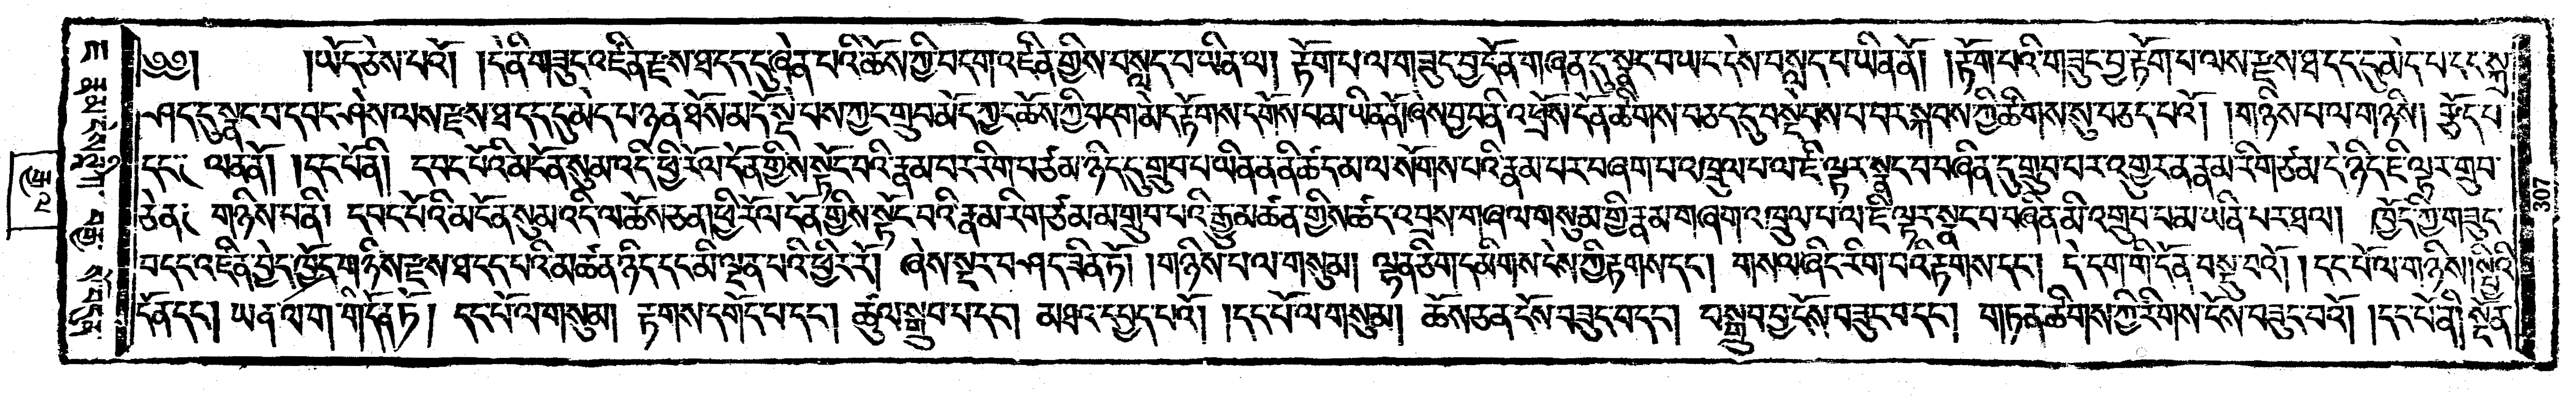༄༅། །ཡོད་ཅེས་པའོ། །དེ་ནི་གཟུང་འཛིན་རྫས་ཐ་དད་དུ་ཞེན་པའི་ཆོས་ཀྱི་བདག་འཛིན་གྱིས་བསླད་པ་ཡིན་ལ། རྟོག་པ་ལ་གཟུང་བྱ་དོན་གཞན་དུ་སྣང་བ་ཡང་དེས་བསླད་པ་ཡིན་ནོ། །རྟོག་པའི་གཟུང་བྱ་རྟོག་པ་ལས་རྫས་ཐ་དད་དུ་མེད་པ་དང་སྐྲ་
ཤད་དུ་སྣང་བ་དབང་ཤེས་ལས་རྫས་ཐ་དད་དུ་མེད་པ་ཉན་ཐོས་མདོ་སྡེ་པས་ཀྱང་གྲུབ་མོད་ཀྱང་ཆོས་ཀྱི་བདག་མེད་རྟོགས་དགོས་པ་མ་ཡིན་ནོ། ཞེས་བྱ་བ་ནི་འཕྲོས་དོན་ཚིགས་བཅད་དུ་བསྡེབས་པ་བར་སྐབས་ཀྱི་ཚིགས་སུ་བཅད་པའོ། །གཉིས་པ་ལ་གཉིས། རྩོད་པ་
དང་། ལན་ནོ། །དང་པོ་ནི། དབང་པོའི་མངོན་སུམ་འདི་ཕྱི་རོལ་དོན་གྱིས་སྟོང་པའི་རྣམ་པར་རིག་པ་ཙམ་ཉིད་དུ་གྲུབ་པ་ཡིན་ན་ནི་ཚད་མ་ལ་སོགས་པའི་རྣམ་པར་བཞག་པ་འཁྲུལ་པ་ལ་ཇི་ལྟར་སྣང་བ་བཞིན་དུ་གྲུབ་པར་འགྱུར་ན་རྣམ་རིག་ཙམ་དེ་ཉིད་ཇི་ལྟར་གྲུབ་
ཅེ་ན། གཉིས་པ་ནི། དབང་པོའི་མངོན་སུམ་འདི་ལ་ཆོས་ཅན། ཕྱི་རོལ་དོན་གྱིས་སྟོང་པའི་རྣམ་རིག་ཙམ་མ་གྲུབ་པའི་རྒྱུ་མཚན་གྱིས་ཚད་འབྲས་གཞལ་གསུམ་གྱི་རྣམ་གཞག་འཁྲུལ་པ་ལ་ཇི་ལྟར་སྣང་བ་བཞིན་མི་འགྲུབ་པ་མ་ཡིན་པར་ཐལ། ཁྱོད་ཀྱི་གཟུང་
བ་དང་འཛིན་བྱེད་ཁྱོད་གཉིས་རྫས་ཐ་དད་པའི་མཚན་ཉིད་དང་མི་ལྡན་པའི་ཕྱིར་རོ། ཞེས་སྔར་བཤད་ཟིན་ཏོ། །གཉིས་པ་ལ་གསུམ། ལྷན་ཅིག་དམིགས་ངེས་ཀྱི་རྟགས་དང་། གསལ་ཞིང་རིག་པའི་རྟགས་དང་། དེ་དག་གི་དོན་བསྡུ་བའོ། །དང་པོ་ལ་གཉིས། སྤྱིའི་
དོན་དང་། ཡན་ལག་གི་དོན་ཏོ། །དང་པོ་ལ་གསུམ། རྟགས་དགོད་པ་དང་། ཚུལ་སྒྲུབ་པ་དང་། མཐའ་དཔྱད་པའོ། །དང་པོ་ལ་གསུམ། ཆོས་ཅན་ངོས་བཟུང་བ་དང་། བསྒྲུབ་བྱ་ངོས་བཟུང་བ་དང་། གཏན་ཚིགས་ཀྱི་རིགས་ངོས་བཟུང་བའོ། །དང་པོ་ནི། སྔོན་